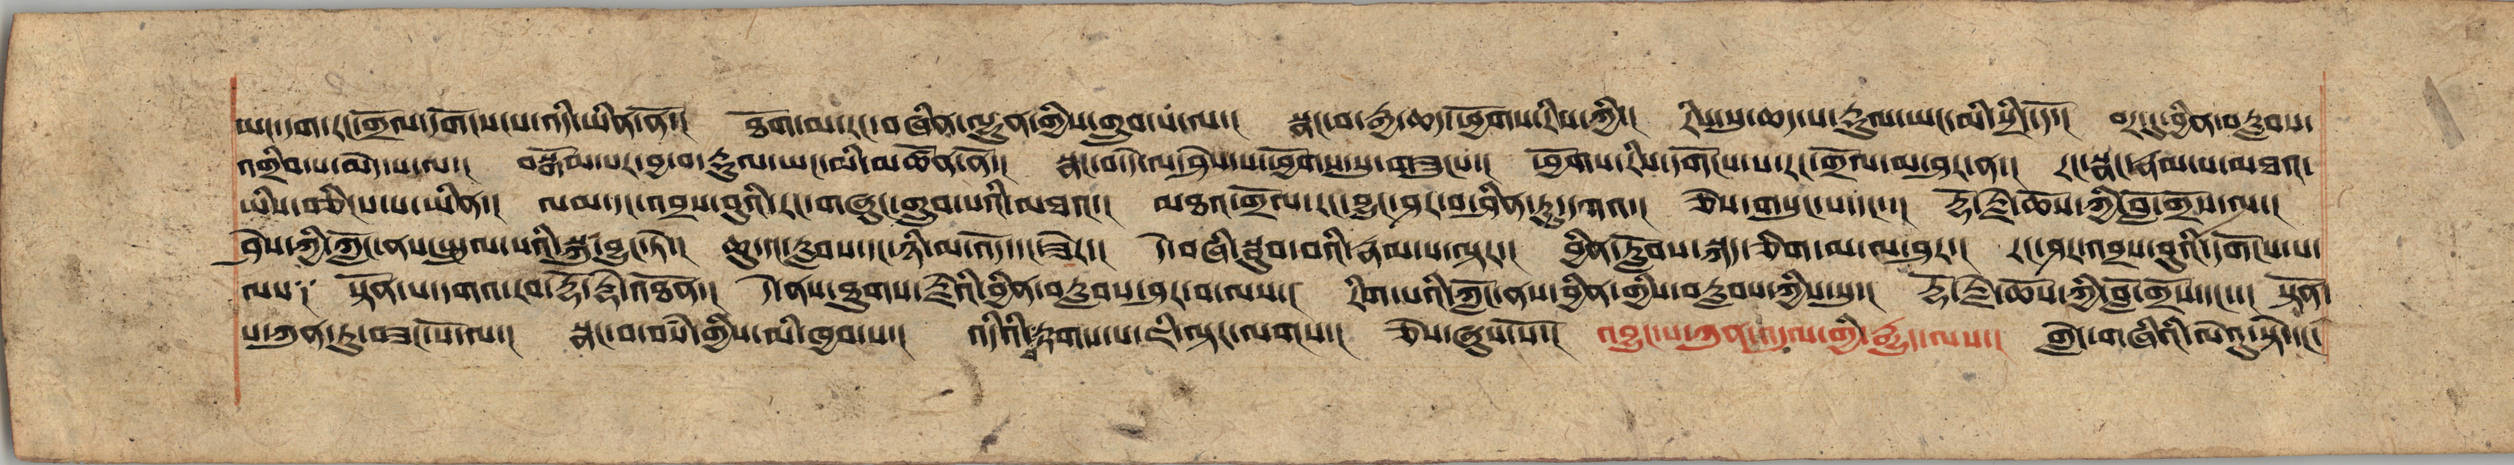ཡང་དག་རང་གྲོལ་དགོངས་པ་འདི་ཡིན་ནོ་། ཐོག་མ་རང་བཞིན་ལྷུན་གྱིས་གྲུབ་པ་ལ་། སྣང་བ་རྒྱ་ཆད་ཕྱོགས་རིས་ཀྱི་། རིས་སུ་ཆད་པ་རྡུལ་ཡང་མི་སྲིད་དོ་། བར་དུ་བྱིན་བརླབས་
འགྲིབ་པ་མེད་པ་ལ་། བསྒོམ་པར་བྱ་བ་རྡུལ་ཡང་མི་མཚོན་ནོ་། སྣང་བ་དེ་ལ་ཤེས་པ་ཕྱོགས་སུ་གཟུངས་། ཕྱོགས་རིས་དགོངས་པ་རང་གྲོལ་མ་ཤར་ན་། རང་སྣང་རྣམ་པ་མཐའ་
ཡིས་བཅིངས་པ་ཡིན་། ལམ་དང་འབྲས་བུའི་རང་གཞུང་གྲུབ་པའི་མཐའ་། མཐའ་གྲོལ་རང་བྱུང་ཤར་བ་ཤིན་ཏུ་དཀའ་། ཅེས་གསུང་པ་དང་་། རྡོ་རྗེ་ཆོས་ཀྱི་བློ་གྲོས་ལ་།
ཤེས་ཀྱི་ཀློང་ནས་སྤྲུལ་པའི་སྐུ་བྱུང་ཏེ་། ཆུ་༤་རླབས་དང་ཉི་མ་འོད་དང་ཟེར་། དེ་བཞི་སྦུབ་བའི་རྣམ་པ་ལྟར་། བྱིན་རློབས་སྐད་ཅིག་མ་ལ་ཤར་། རང་ཤར་འབྲས་བུའི་དགོངས་པ་
ལས༑ སྟོན་པ་དགའ་རབ་རྡོ་རྗེ་འཐོན་། དེ་ནས་ཐུགས་རྗེའི་བྱིན་བརླབས་ཤར་བ་ལས་། རིག་པའི་ཀློང་ནས་བྱིན་གྱིས་བརླབས་ཀྱིས་སུ་། རྡོ་རྗེ་ཆོས་ཀྱི་བློ་གྲོས་དང་་། སྟོན་
པ་ཀུན་ཏུ་བཟང་པོ་ལ་། སྣང་བ་བསཾ་གྱིས་མི་ཁྱབ་པ་། འདིའི་རྟགས་པ་ཇི་ལྟར་ལགས་། ཅེས་ཞུས་སོ་། འབྱུང་པ་ཀུན་འདུལ་གྱི་རྒྱུད་ལས་། གླེང་གཞིའི་ལེའུ་སྟེ་དང་